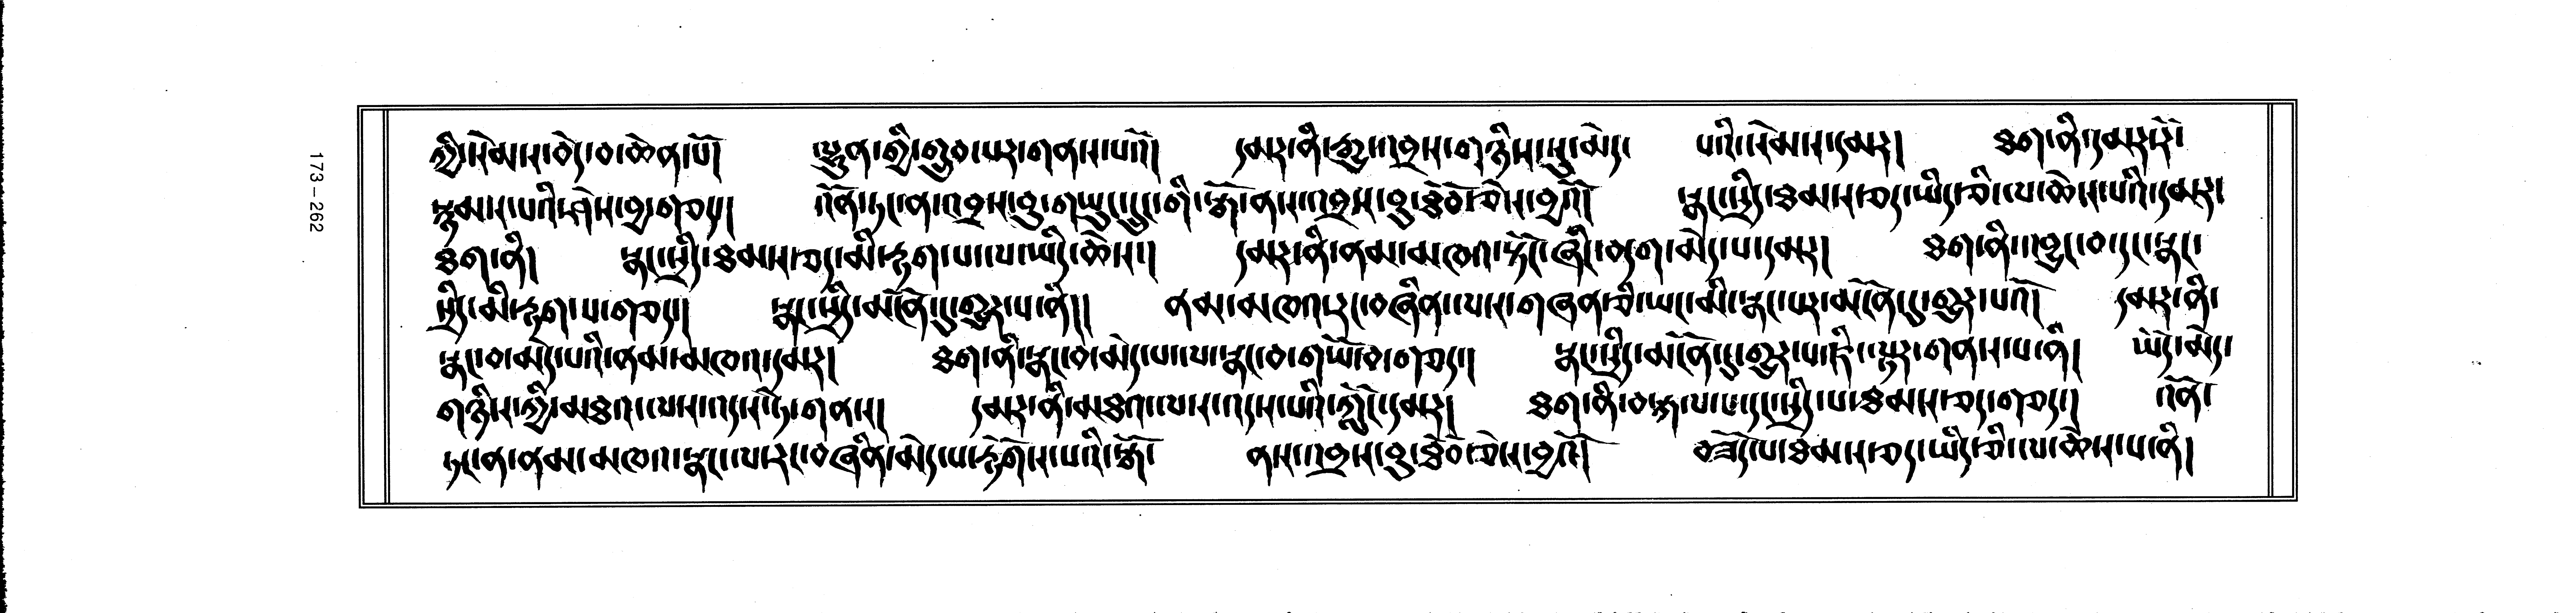ཀྱི་སེམས་བདེ་བ་ཆེན་པོ། ལྷུན་གྱིས་གྲུབ་པར་གནས་པའོ། །དམར་ནི་རྒྱུ་འབྲས་གཉིས་སུ་མེད་པའི་སེམས་དམར། ཐག་ནི་དམར་རོ་
སྙམ་པའི་ཤེས་བྱ་གཅད། འོན་ཏང་ན་འབྲས་བུ་གཡུང་དྲུང་གི་སྒོ་ནས་འབྲས་བུ་ཐོབ་ཅེས་བྱའོ། །སྣང་སྲིད་ཐམས་ཅད་ཡིད་ཅི་ལ་ཆེས་པའི་དམར་
ཐག་ནི། སྣང་སྲིད་ཐམས་ཅད་མི་རྟག་པ་ལ་ཡིད་ཆེས། དམར་ནི་ནམ་མཁའ་སྟོང་ཞིང་བདག་མེད་པ་དམར། ཐག་ནི་འབྱུང་བ་དང་སྣང་
སྲིད་མི་རྟག་པ་གཅད། སྣང་སྲིད་མངོན་དུ་གྱུར་པ་ནི། ནམ་མཁའ་རང་བཞིན་ལས་གཞན་ཅི་ཡང་མི་སྣང་བར་མངོན་དུ་གྱུར་པའོ། །དམར་ནི་
སྣང་བ་མེད་པའི་ནམ་མཁའ་དམར། ཐག་ནི་སྣང་བ་མེད་པ་ལ་སྣང་བ་གཡོ་བ་གཅད། སྣང་སྲིད་མངོན་དུ་གྱུར་པ་ཇི་ལྟར་གནས་པ་ནི། ཡོད་མེད་
གཉིས་ཀྱི་མཐའ་ལས་འདས་ཏེ་གནས། དམར་ནི་མཐའ་ལས་འདས་པའི་ཀློང་དམར། ཐག་ནི་བསྐལ་པ་དང་སྲིད་པ་ཐམས་ཅད་གཅད། འོན་
ཏང་ན་ནམ་མཁའ་སྣང་ལ་རང་བཞིན་མེད་པ་རྟོགས་པའི་སྒོ་ནས་འབྲས་བུ་ཐོབ་ཅེས་བྱའོ། །བཟོད་པ་ཐམས་ཅད་ཡིད་ཅི་ལ་ཆེས་པ་ནི།